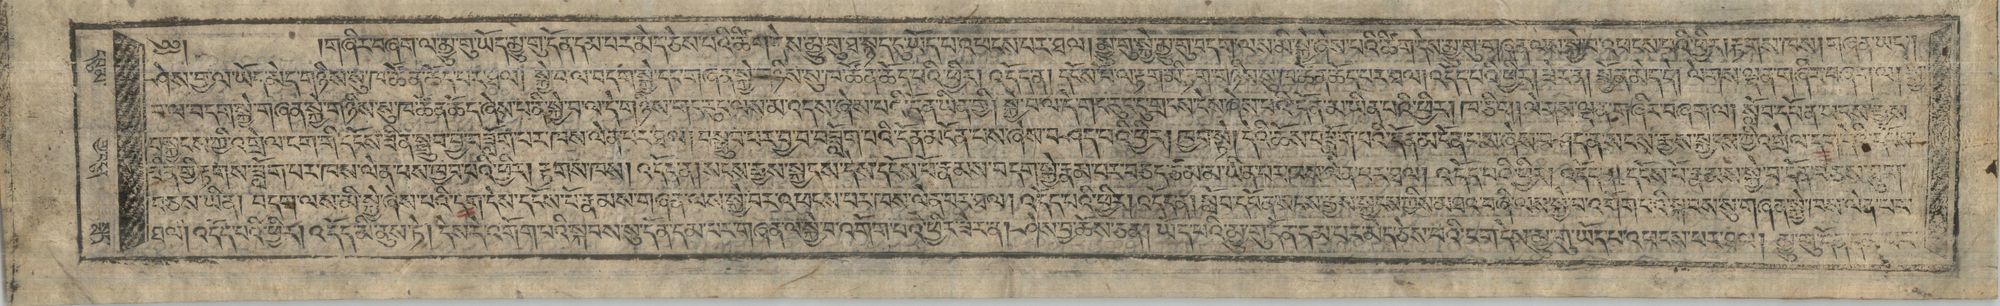༄༅། །གཞིར་བཞག་ལ་མྱུ་གུ་ཡོད་མྱུ་གུ་དོན་དམ་པར་མེད་ཅེས་པའི་ཚིག་དེས་མྱུ་གུ་ཐ་སྙད་དུ་ཡོད་པ་འཕངས་པར་ཐལ། མྱུ་གུ་སྐྱེ་མྱུ་གུ་བདག་ལས་མི་སྐྱེ་ཞེས་པའི་ཚིག་དེས་མྱུ་གུ་གཞན་ལས་སྐྱེ་བ་འཕངས་པའི་ཕྱིར། རྟགས་ཁས། གཞན་ཡང་།
ཤེས་བྱ་ལ་ཡོད་མེད་གཉིས་སུ་ཁ་ཚོན་ཆོད་པར་ཐལ། སྐྱེ་བ་ལ་བདག་སྐྱེ་དང་གཞན་སྐྱེ་གཉིས་སུ་ཁ་ཚོན་ཆོད་པའི་ཕྱིར། འདོད་ན། དངོས་པོ་ལ་རྟག་མི་རྟག་གཉིས་སུ་ཁ་ཚོན་ཆོད་པར་ཐལ། འདོད་པའི་ཕྱིར། ཟེར་ན། སྐྱོན་མེད་དེ། ལེགས་ལྡན་གཞིར་བཞག་ལ། སྐྱེ་
བ་ལ་བདག་སྐྱེ་གཞན་སྐྱེ་གཉིས་སུ་ཁ་ཚོན་ཆོད་ཞེས་པ་ནི་སྐྱེ་བ་ལ་དེ་གཉིས་གང་རུང་ལས་མ་འདས་ཞེས་པའི་དོན་ཡིན་གྱི། སྐྱེ་བ་ལ་དེ་གང་རུང་དུ་གྲངས་ངེས་ཞེས་པའི་དོན་མ་ཡིན་པའི་ཕྱིར། ཁ་ཅིག ། ལེགས་ལྡན་གཞིར་བཞག་ལ། སློབ་དཔོན་སངས་རྒྱས་
བསྐྱངས་ཀྱི་འགྲེལ་ངག་གི་དངོས་ཟིན་སྒྲུབ་བྱ་བཟློག་པར་ཁས་ལེན་པར་ཐལ། བསྒྲུབ་པར་བྱ་བ་བཟློག་པའི་དོན་མངོན་པས་ཞེས་བཤད་པའི་ཕྱིར། ཁྱབ་སྟེ། དེའི་ཆོས་བཟློག་པའི་དོན་མངོན་པས་ཞེས་བཤད་ན་སངས་རྒྱས་སྐྱངྶྐྱི་འགྲེལ་ངག་དེའི་དངོས་
ཟིན་གྱི་རྟགས་ཟློག་པར་ཁས་ལེན་པས་ཁྱབ་པའི་ཕྱིར། རྟགས་ཁས། འདོད་ན། སངས་རྒྱས་སྐྱངྶྡེས་དངོས་པོ་རྣམས་བདག་སྐྱེ་རྣམ་པར་བཅད་ཙམ་མ་ཡིན་པར་ཁས་ལེན་པར་ཐལ། འདོད་པའི་ཕྱིར། འདོད་ན། དངོས་པོ་རྣམས་སྐྱེ་བ་དོན་བཅས་ཐུག་
བཅས་ཡིན། བདག་ལས་མི་སྐྱེ་ཞེས་པའི་ངག་དེས་དངོས་པོ་རྣམས་གཞན་ལས་སྐྱེ་བར་འཕངས་པར་ཁས་ལེན་པར་ཐལ། འདོད་པའི་ཕྱིར། འདོད་ན། སློབ་དཔོན་སངས་རྒྱས་སྐྱངྶྐྱིས་མཐའ་བཞི་ལས་སྐྱེ་བ་འགོག་པའི་སྐབས་སུ་གཞན་སྐྱེ་ཁས་ལེན་པར་
ཐལ། འདོད་པའི་ཕྱིར། འདོད་མི་ནུས་ཏེ། དེས་དེ་འགོག་པའི་སྐབས་སུ་དོན་དམ་པར་གཞན་ལ་སྐྱེ་བ་འགོག་པའི་ཕྱིར་ཟེར་ན། ཤེས་བྱ་ཆོས་ཅན། ཡོད་པའི་མྱུ་གུ་དོན་དམ་པར་མེད་ཅེས་པའི་ངག་དེས་མྱུ་གུ་ཡོད་པ་འཕངས་པར་ཐལ། མྱུ་གུ་དོན་དམ་པར་